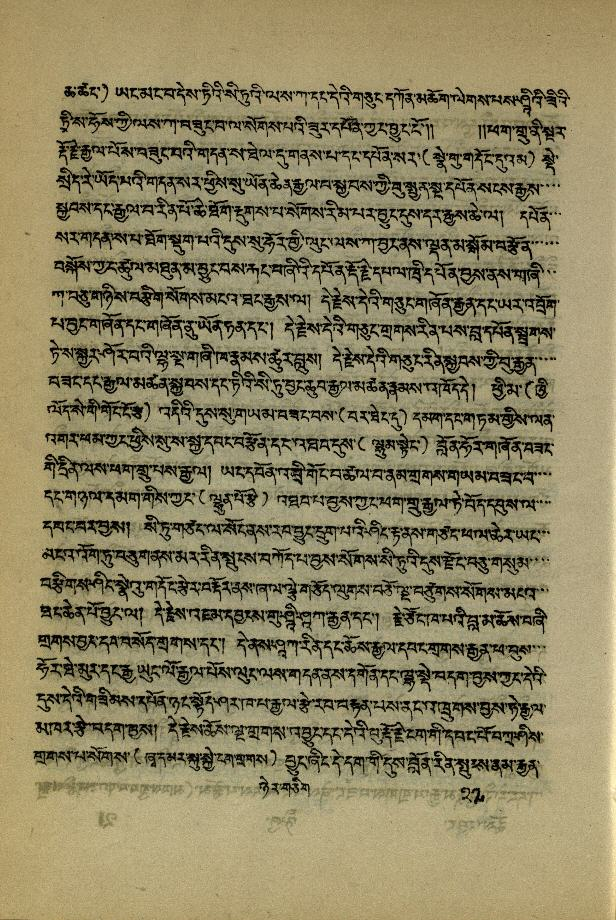ཆ་ཚང་ཡང་མང་བ་དེས་ཏིའི་སི་ཏུའི་ལས་ཀ་དང་དེའི་གཅུང་དཀོན་མཆོག་ལེགས་པས་ཤྲཱིའི་ཟིའི་
ཏྲི་ས་ཧོས་ཀྱི་ལས་ཀ་བཟུང་བ་ལ་སོགས་པའི་ཟུར་དཔོན་ཀྱང་བྱུང་ངོ།། །།ཕག་གྲུ་ནི་སྔར་
རྡོ་རྗེ་རྒྱལ་པོས་བཟུང་བའི་གདན་ས་ཐེལ་དུ་གནས་པ་དང་དཔོན་སར་སྣེ་གུ་གདོང་དུའམ་སྡེ་
སྲིད་རེ་ཡོད་པའི་གདན་སར་ཕྱིས་སུ་ཡོན་ཆེན་རྒྱལ་བ་སྐྱབས་ཀྱི་བུ་སྤྱན་སྔ་དཔོན་སངས་རྒྱས་
སྐྱབས་དང་རྒྱལ་བ་རིན་པོ་ཆེ་ཐོག་རྡུགས་པ་སོགས་རིམ་པར་བྱུང་དུས་དར་རྒྱས་ཆེ་ལ། དཔོན་
སར་གདན་ས་པ་ཐོག་སྡུག་པའི་དུས་སུ་ཧོར་གྱི་ལུང་ལས་ཀ་བྱང་ནས་ལྡན་མ་སྒོམ་བརྩོན་
བསྐོས་ཀྱང་ཚུལ་མཐུན་མ་བྱུང་བས་རྐང་བཞིའི་དཔོན་རྡོ་རྗེ་དཔལ་ཁྲི་དཔོན་བྱས་ནས་གཞི་
ཀ་བཅུ་གཉིས་བརྩིག་སོགས་མངའ་ཐང་རྒྱས་ལ། དེ་རྗེས་དེའི་གཅུང་གཞོན་རྒྱན་དང་ཡར་འབྲོག་
པ་བྱང་གཞོན་དང་གཞོན་ནུ་ཡོན་ཏན་དང་། དེ་རྗེས་དེའི་གཅུང་གྲགས་རིན་པས་བླ་དཔོན་སྦྲགས་
ཏེ་ས་སྐྱར་ཤོར་བའི་ལྷ་སྔ་གཞི་ཁ་རྣམས་ཚུར་བླུས། དེ་རྗེས་དེའི་གཅུང་རིན་སྐྱབས་ཀྱི་བུ་རྒྱན་
བཟང་དང་རྒྱལ་མཚན་སྐྱབས་དང་ཏིའི་སི་ཏུ་བྱང་ཆུབ་རྒྱལ་མཚན་རྣམས་འཁོད་དེ། ཕྱི་མ་ཁྱི་
ལོད་སེ་གི་གོང་ངོ་རྩ་འདིའི་དུས་སུ་གཡམ་བཟང་བས་བར་ཐེང་དུ་དམག་དང་གཏམ་གྱིས་ལན་
འགར་ཕམ་ཀྱང་ཕྱིས་སུ་ས་སྐྱ་དབང་བརྩོན་དང་འཐབ་དུས་ལྷུམ་སྟེང་བློན་ཧོར་གཞོན་བཟང་
གི་དྲིན་ལས་ཕག་གྲུ་པས་རྒྱལ། ཡང་དཔོན་འབྲི་གོང་བ་ཚལ་བ་ནམ་གྲགས་གཡམ་བཟང་བ་
དང་གཉལ་དམག་གིས་ཀྱང་ལྷུན་པོ་རྩེ་འཐབ་པ་བྱས་ཀྱང་ཕག་གྲུ་རྒྱལ་ཏེ་བོད་དབུས་ལ་
དབང་བར་བྱས། སི་ཏུ་གཙང་ལ་སོང་ནས་རབ་བྱུང་དྲུག་པའི་ཤིང་རྟ་ནས་གཙང་ཕལ་ཆེར་ཡང་
མངའ་འོག་ཏུ་བཅུག་ནས་མར་རིན་སྤུངས་བཀོད་པ་བྱས་སོགས་སི་ཏུའི་དུས་རྫོང་བཅུ་གསུམ་
བརྩིགས་ཤིང་སྣེའུ་གདོང་རྩེར་བརྡོར་ནས་ཞལ་ལྕེ་གཅོད་ལུགས་བཅོ་ལྔ་བཙུགས་སོགས་མངའ་
ཐང་ཆེན་པོ་བྱུང་ལ། དེ་རྗེས་འཇམ་དབྱངས་གུ་ཤྲཱི་ཤཱཀ་རྒྱན་དང་། རྗེ་ཙོང་ཁ་པའི་བླ་མ་ཆོས་བཞི་
གྲགས་བྱང་དབ་བསོད་གྲགས་དང་། དེ་ནས་ཤྰྐ་རིན་དང་ཆོས་རྒྱལ་དབང་གྲགས་རྒྱན་ཕ་བུས་
ཧོར་ཐེ་མུར་དང་རྒྱ་ཡུང་ལོ་རྒྱལ་པོས་ལུང་ལས་གདན་ནས་དགོན་དང་ལྷ་སྡེ་བདག་བྱས་ཀྱང་དེའི་
དུས་དེའི་གཟིམས་དཔོན་ཉང་སྟོད་ཤར་ཁ་པ་རྒྱལ་རྩེ་རབ་བརྟན་པས་ནང་འཁྲུགས་བྱས་ཏེ་རྒྱལ་
མཁར་རྩེ་བདག་བྱས། དེ་རྗེས་ཆོས་ལྔ་གྲགས་འབྱུང་དང་དེའི་བུ་རྡོ་རྗེ་ངག་གི་དབང་པོ་བཀྲ་ཤིས་
གྲགས་པ་སོགས་ཞྭ་དམར་སྐུ་སྐྱེ་ངག་གྲགས་བྱུང་ཞིང་དེ་དག་གི་དུས་བློན་རིན་སྤུངས་ནམ་རྒྱན་